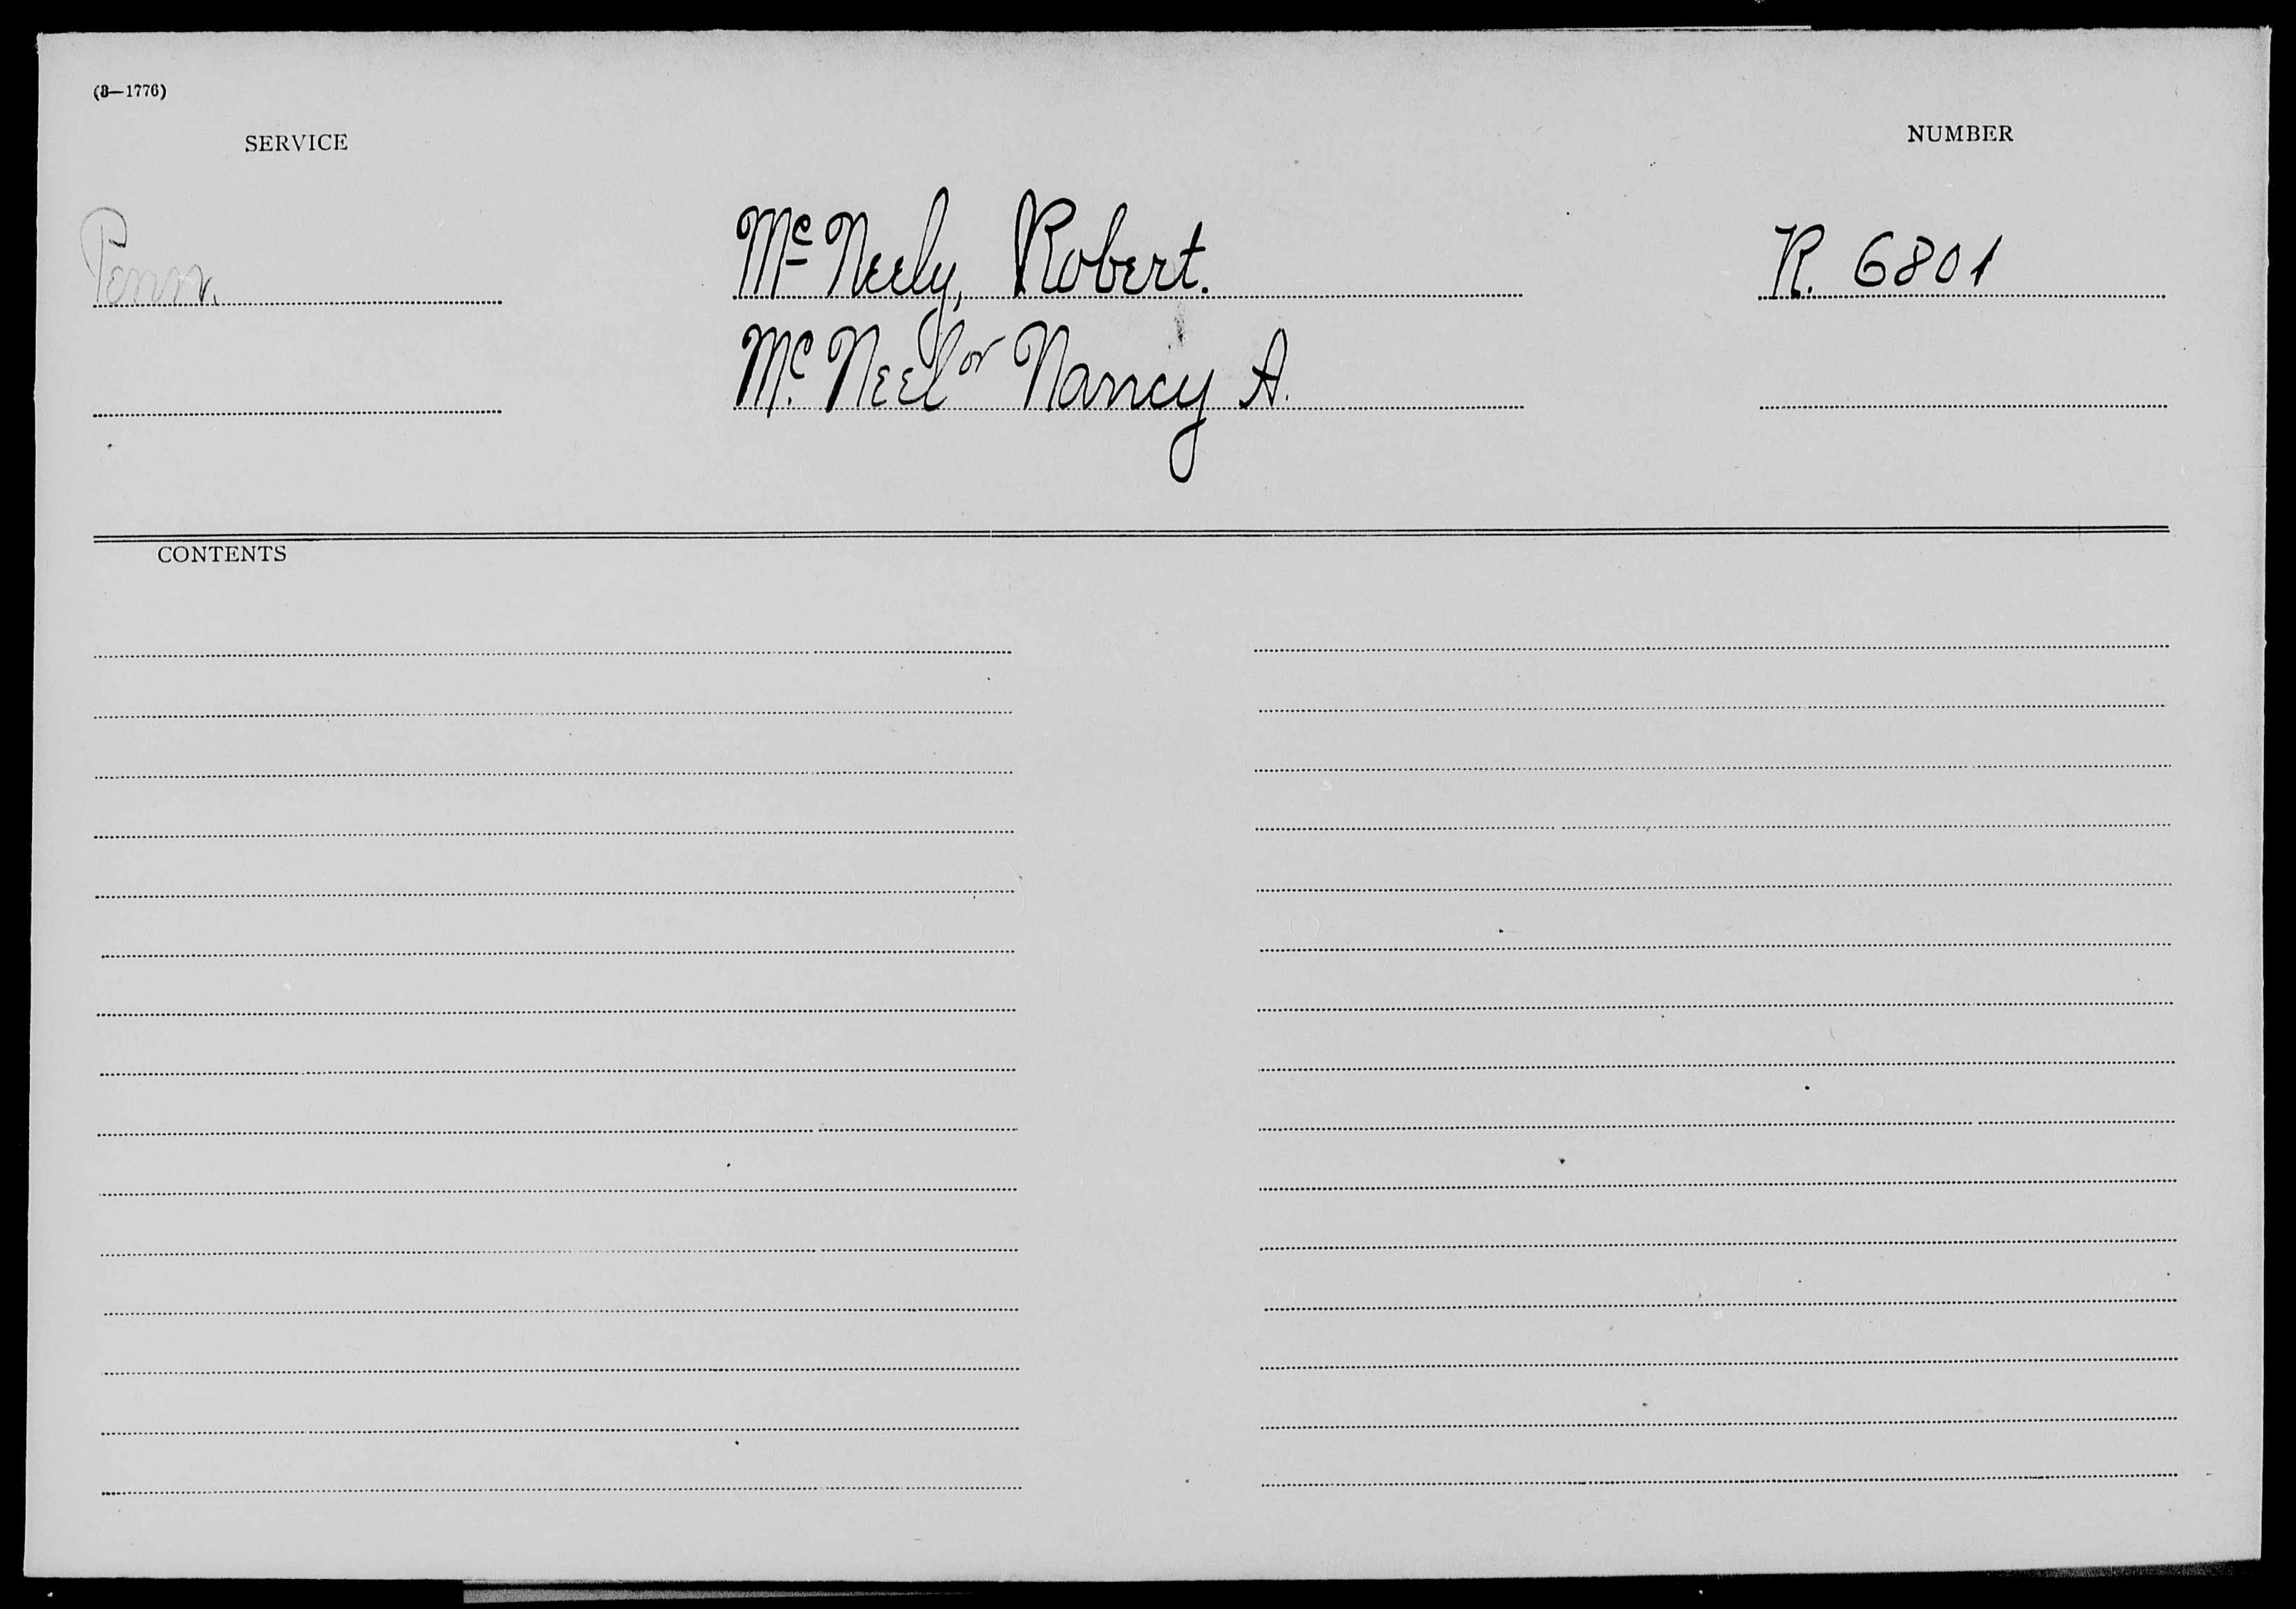(3 - 1776)
SERVICE
Penn

McNeely, Robert
or Mc Neel
Nancy A 

NUMBER
R. 6801

CONTENTS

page: 1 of 13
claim: rejected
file: R. 6801, for Robert Mc Neely, Pennsylvania